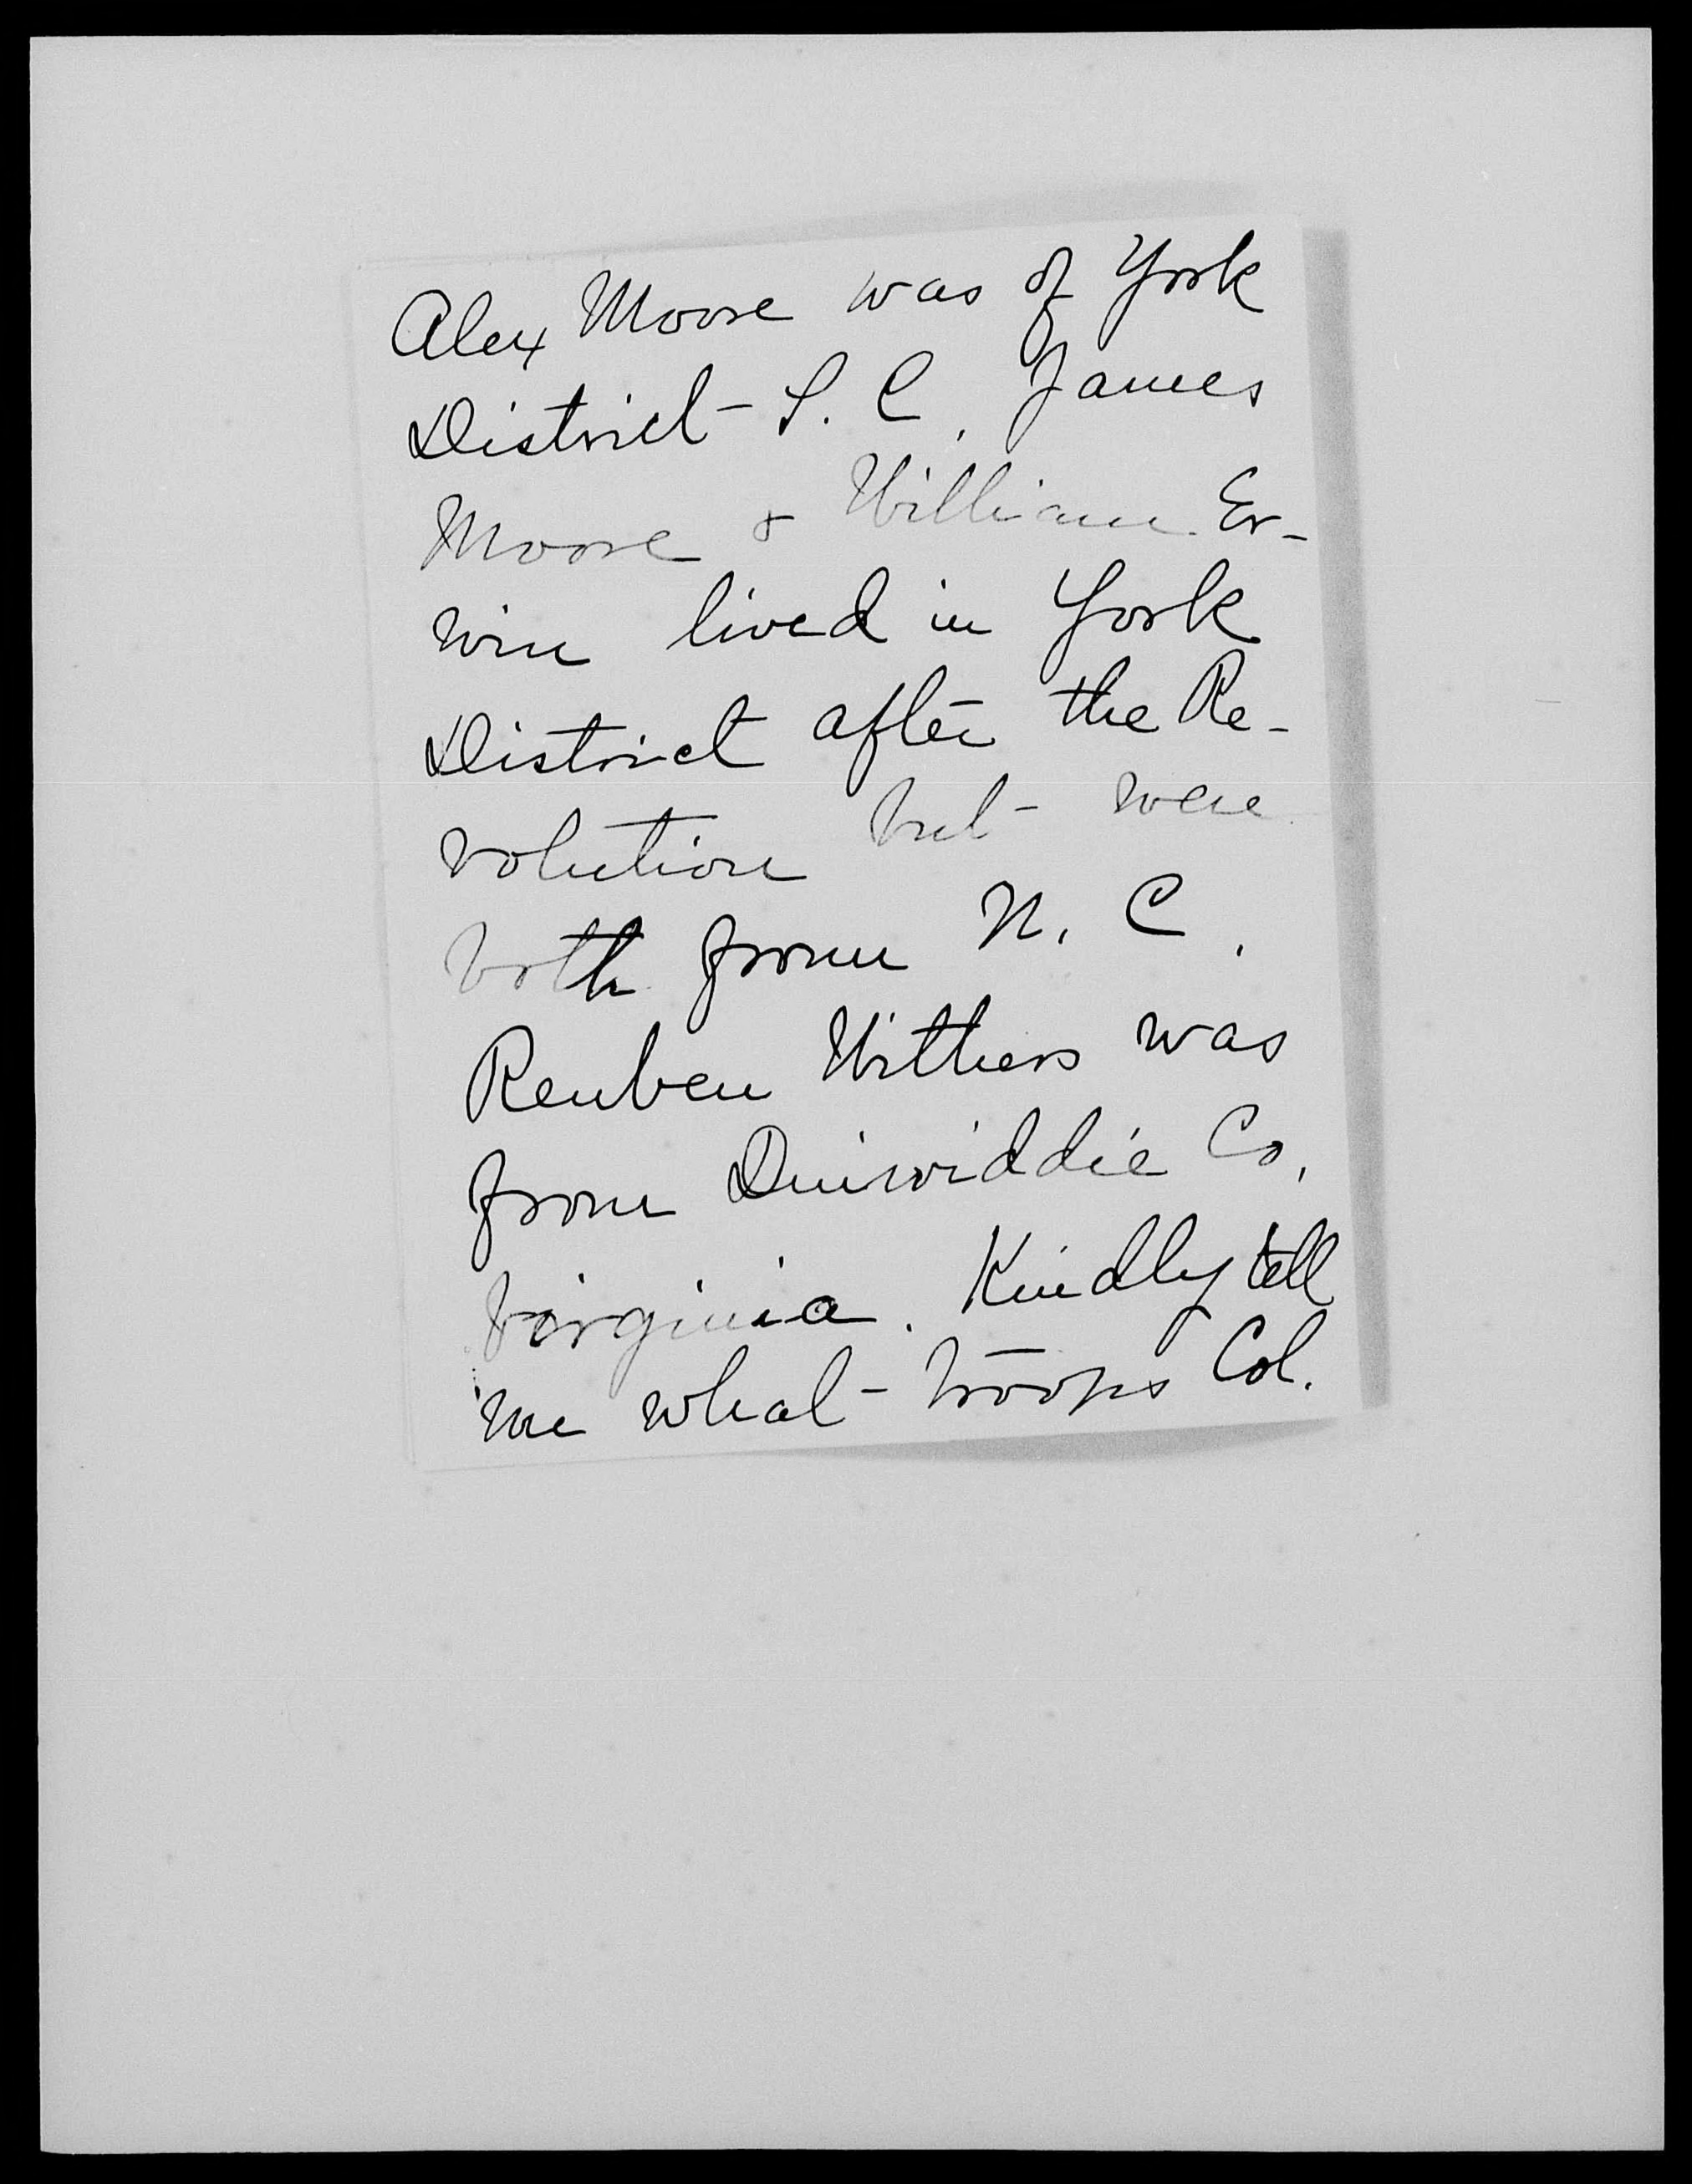Alex Moore was of York
District S.C.

James Moore &
William Erwin lived in York
District after the Revolution
but - were
both from N. C.

Reuben Withers  was
from Dinwiddie Co
Virginia

Kindly tell me what
troops Col.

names: William Erwin; Alex Moore; Reuben Withers; James Moore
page: 16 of 17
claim: rejected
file: R 7329, for James More, South Carolina